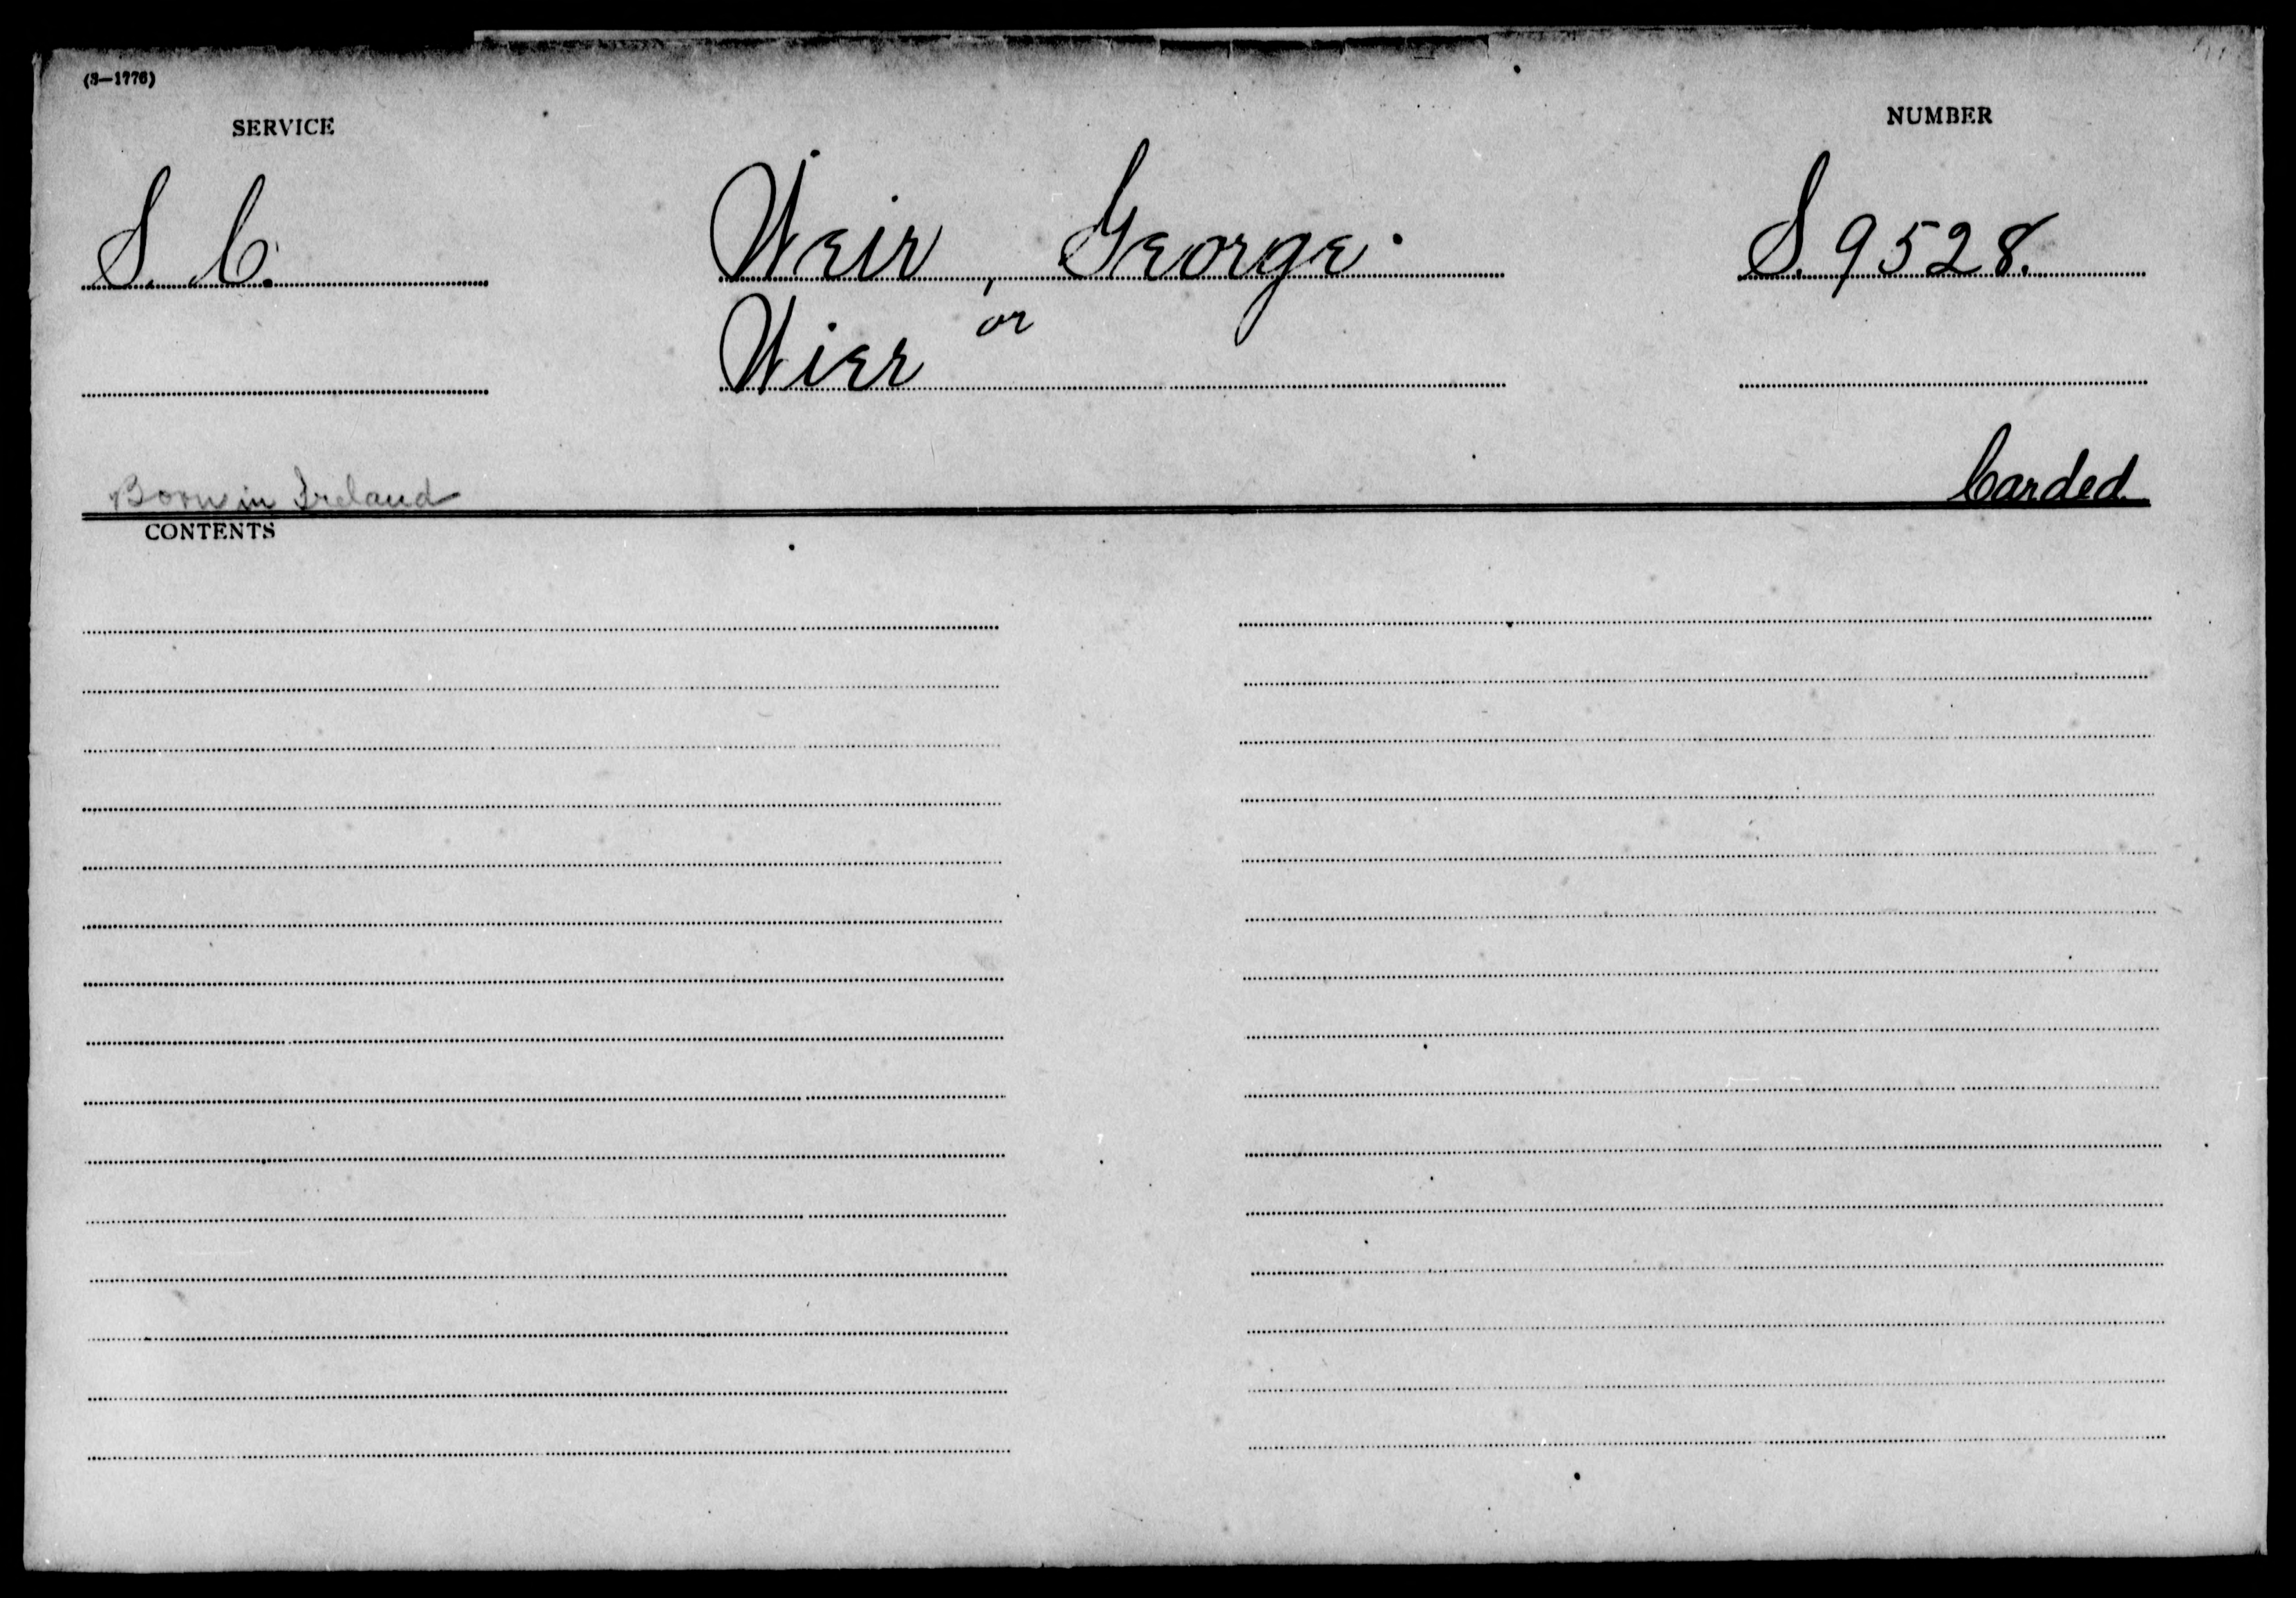(3 - 1776)
SERVICE S. C.
Weir or Wier, George
NUMBER S. 9528.

Carded

Born in Ireland
CONTENTS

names: George Wier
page: 1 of 22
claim: survivor's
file: S. 9528, George Weir, S.C.